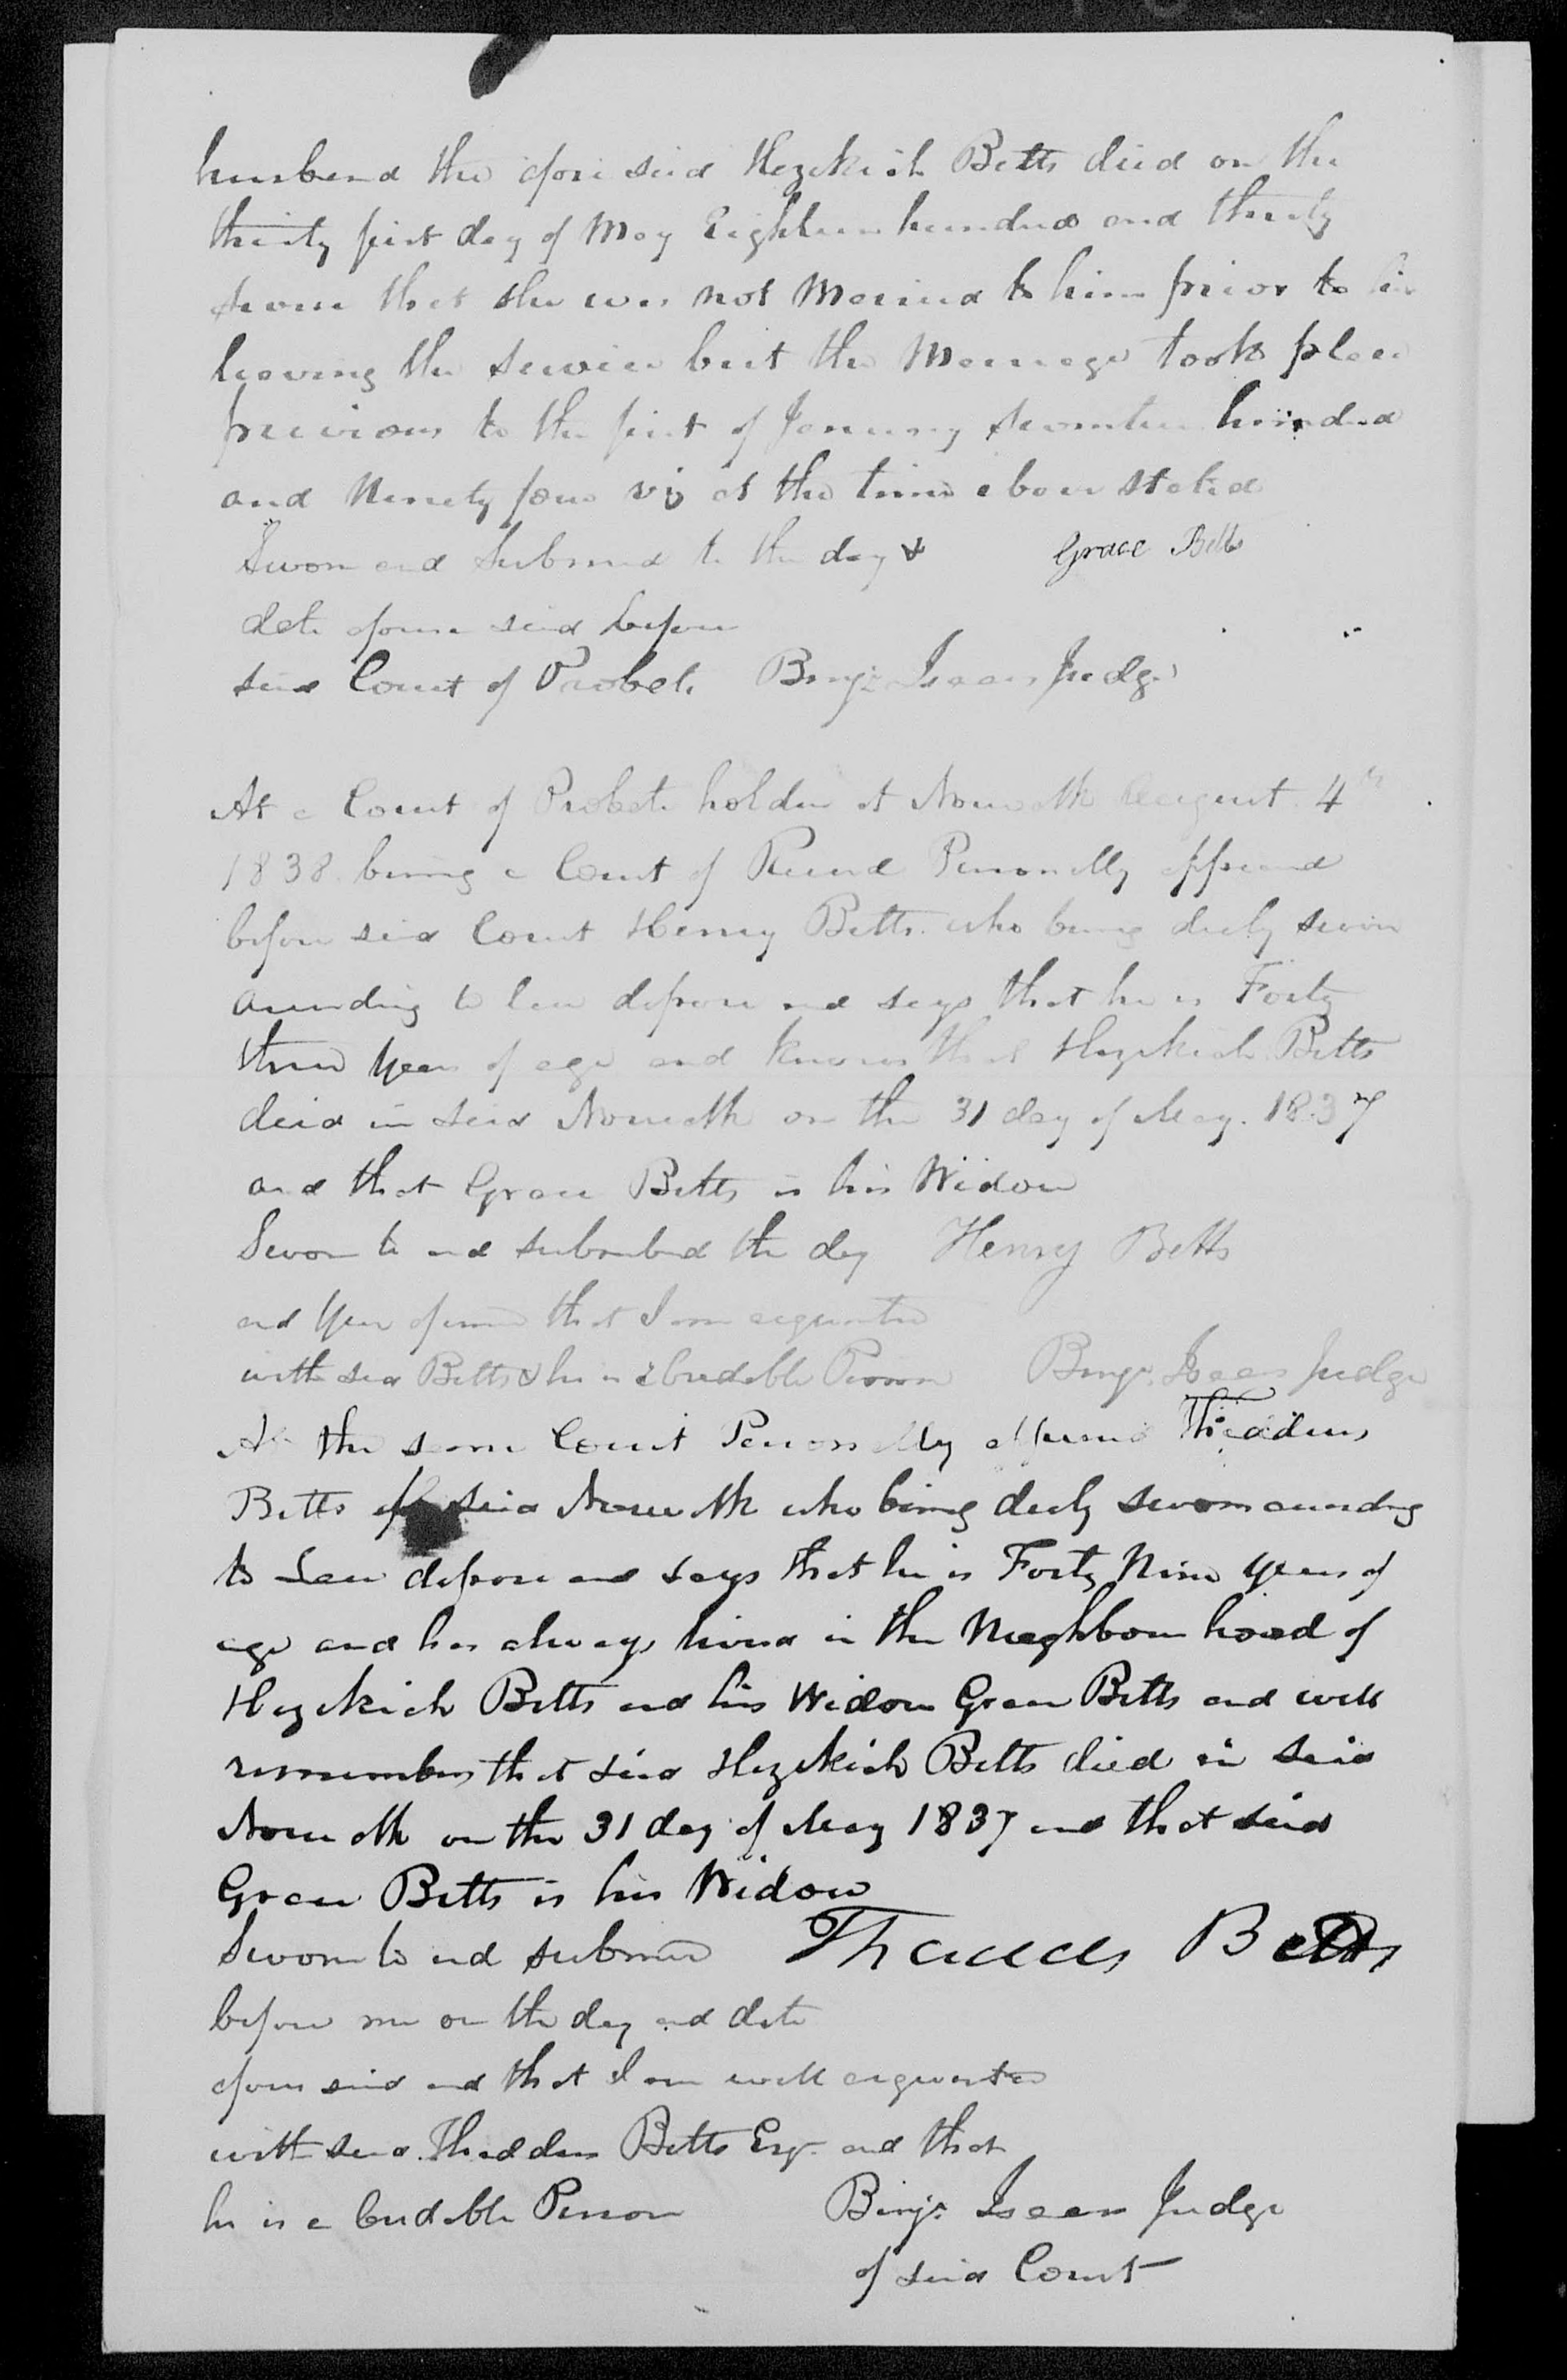husband the aforesaid Hezekiah Betts died on the thirty first day of May eighteen hundred and thirty seven that she was not married to him prior to his leaving the service but the marriage took place previous to the first of January seventeen hundred and ninety four viz at the time above stated.
Grace Betts
Sworn and subscribed to the day & date aforesaid before said Court of Probate.
Benj. Isaacs Judge

At a Court of Probate holden at Norwalk August 4th 1838 being a Court of Record personally appeared before said Court Henry Betts who being duly sworn according to law depose and says that he is forty three years of age and knows that Hezekiah Betts died in said Norwalk on the 31 day of May 1837 and the Grace Betts is his widow.
Henry Betts
Sworn to and subscribed the day and year aforesaid that I am acquainted with said Betts & he is a credible person.
Benj Isaacs Judge

At the same Court personally appeared Thaddeus Betts of said Norwalk who being duly sworn according to law depose and says that he is forty nine years of age and has always lived in the neighborhood of Hezekiah Betts and his widow Grace Betts and well remembers that said Hezekiah Betts died in said Norwalk on the 31 day of May 1837 and that said Grace Betts is his widow.
Thaddeus Betts
Sworn to and subscribed before me on the day and date aforesaid and that I am well acquainted with said Thaddeus Betts Esq. and that he is a credible person.
Benj Isaacs Judge of said Court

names: Grace Betts, Thaddeus Betts, Grace Betts, Benje Isaacs, Hezekiah Betts, Hezekiah Betts, Benje Isacs, Hezekiah Betts, Benje Isaacs, Hezekiah Betts, Grace Betts, Henry Betts, Grace Betts, Thadds Betts, Thaddus Betts, Betts, Henry Betts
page: 14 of 61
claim: widow's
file: W. 29,929, Hezekiah Betts, Conn.